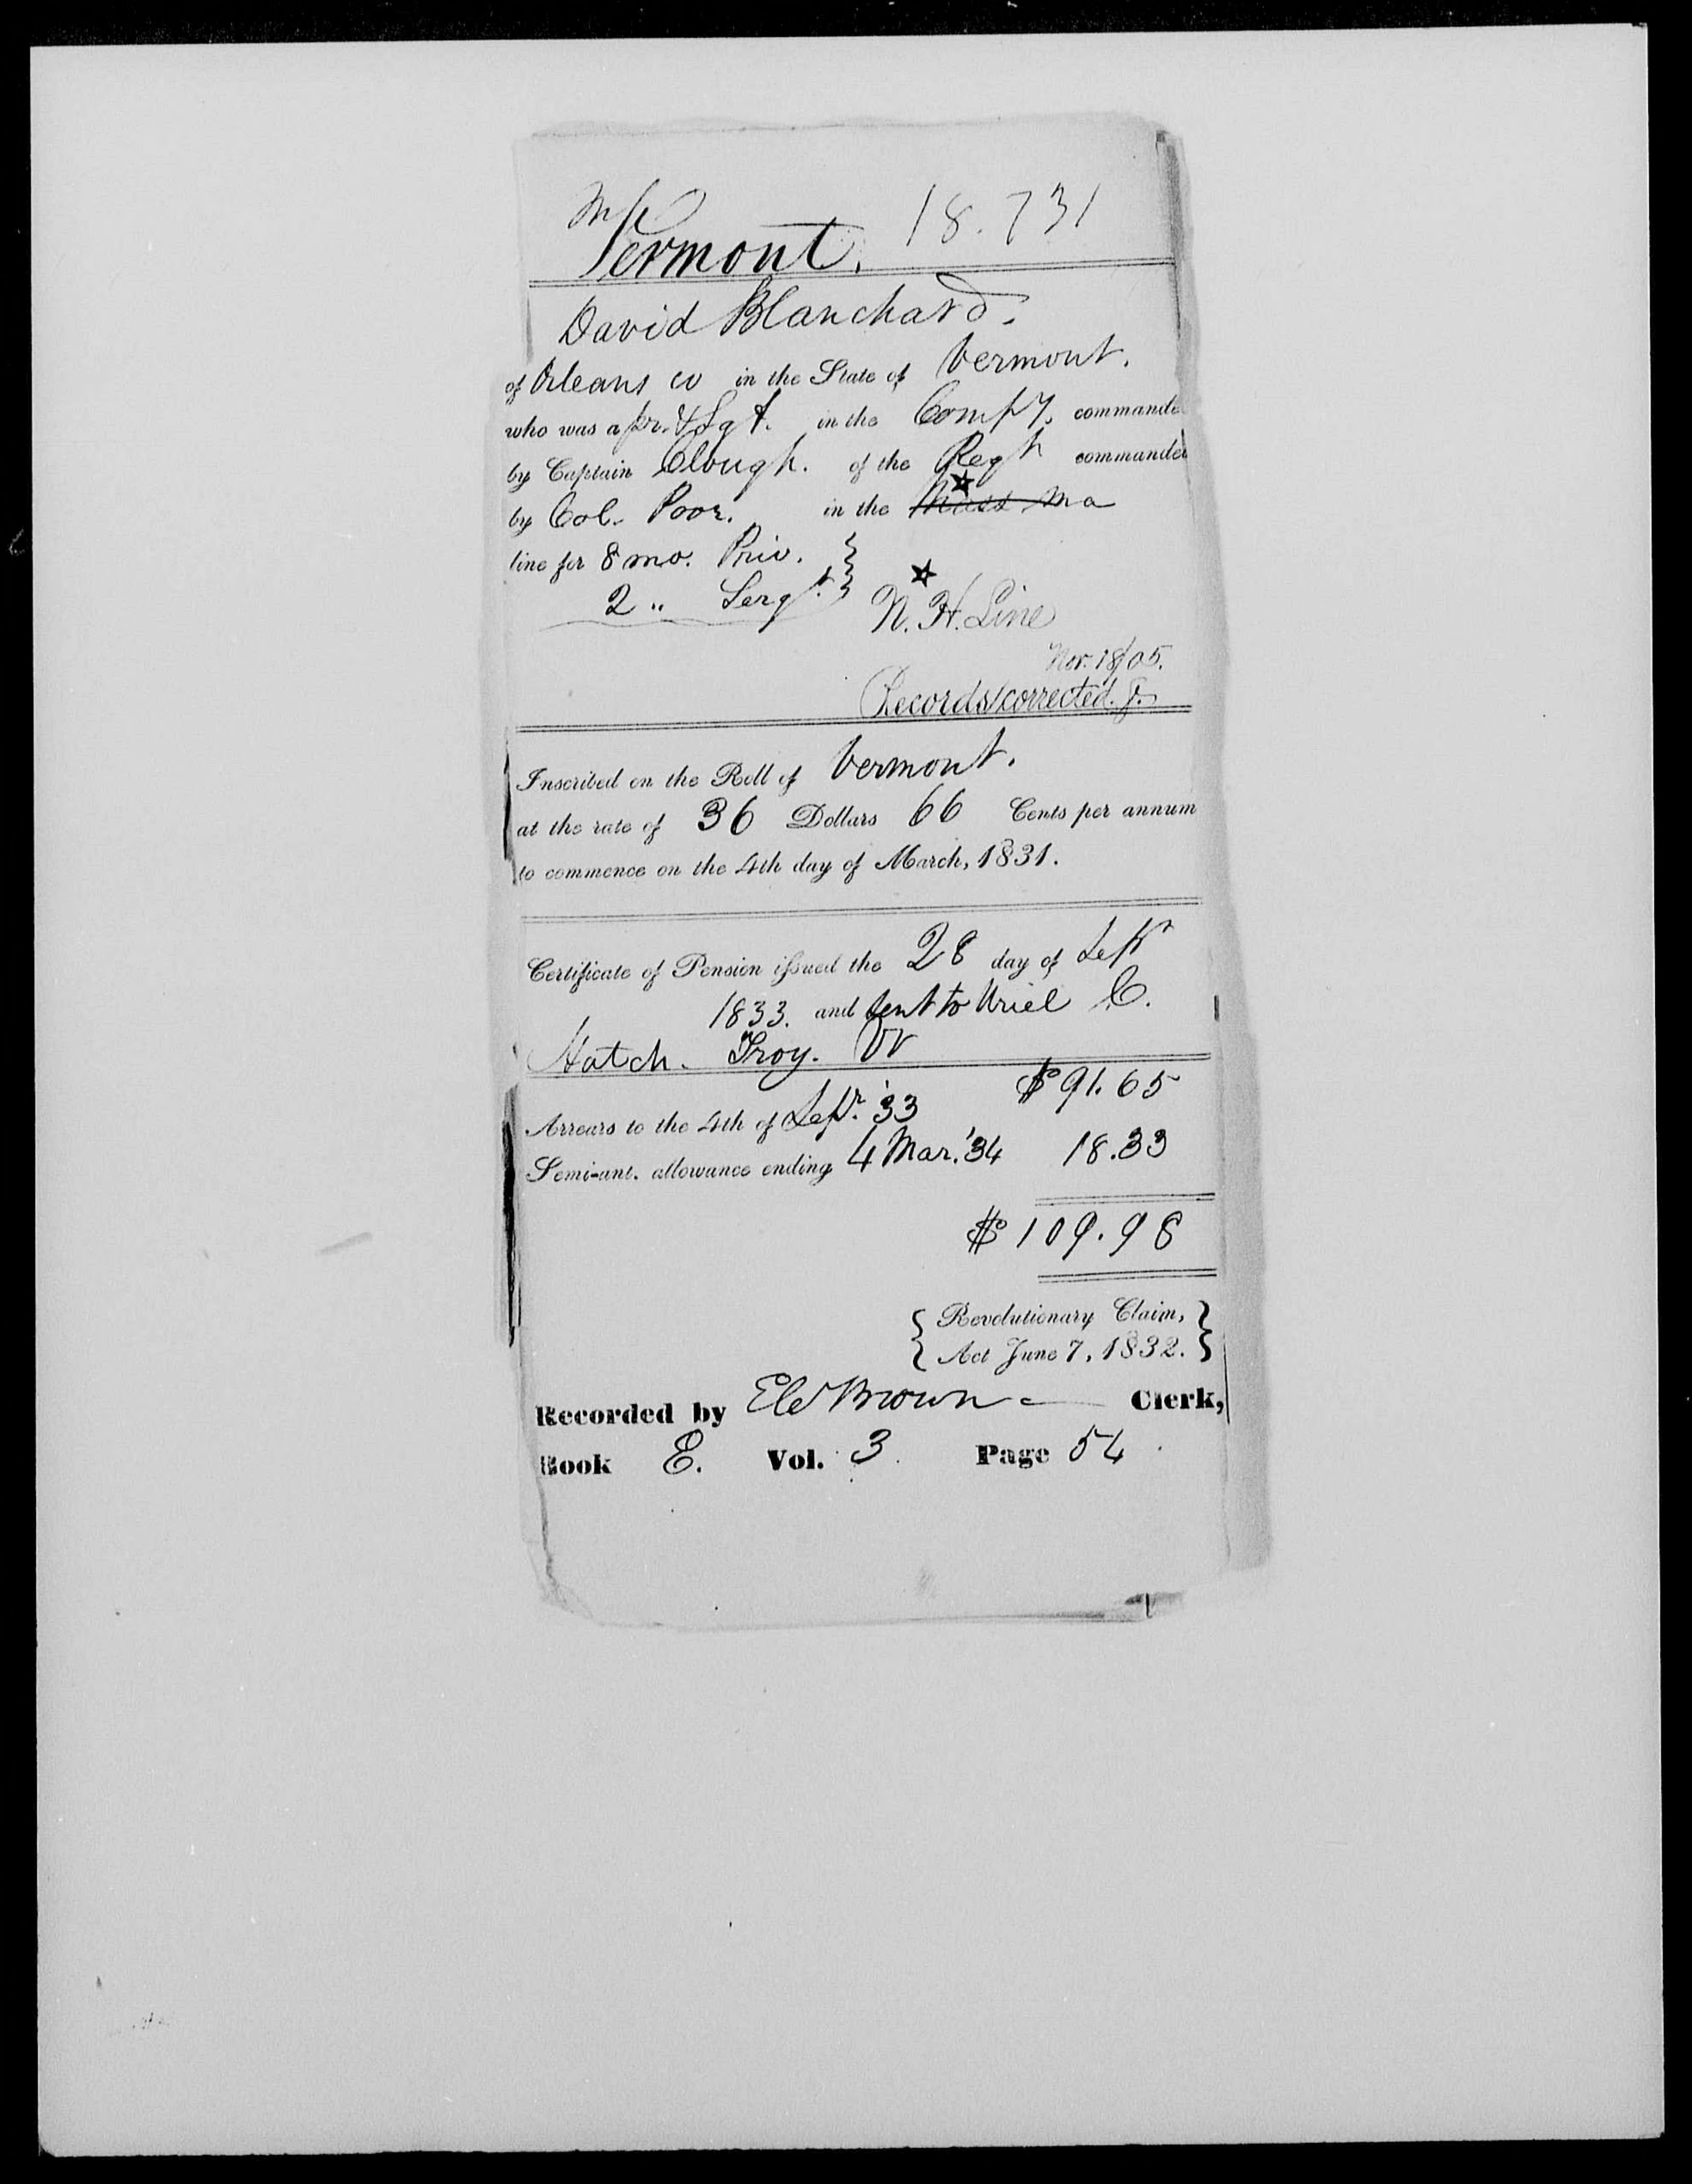Vermont 18,731
David Blanchard of Orleans in the State of Vermont who was a Pr. & Sgt. in the Compy, commanded by Captain Clough. of the Regt commanded by Col. Poor. in the [Mass Ma - crossed out] N. H. Line for 8 mo. Priv 2" Sergt.
Nov. 18/05
Records corrected GS
Inscribed in the Roll of Vermont at the rate of 36 Dollars 66 Cents per annum to commence on the 4th day of March, 1831.
Certificate of Pension issued the 28 day of Sept 1833 and sent to Uriel C. Hatch, Troy, Vt
Arrears to the 4th of Sepr '33 $91.65
Semi-anl. allowance ending 4 Mar. '34 18.33
[total] $109.98
Revolutionary Claim, Act June 7, 1832.
Recorded by Ebr Brown Clerk,
Book E. Vol. 3 Page 54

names: Clough, Ebr Brown, N H Line, David Blanchard, Uriel C Hatch, Poor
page: 3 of 23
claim: survivor's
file: S. 12237, David Blanchard, N. H.